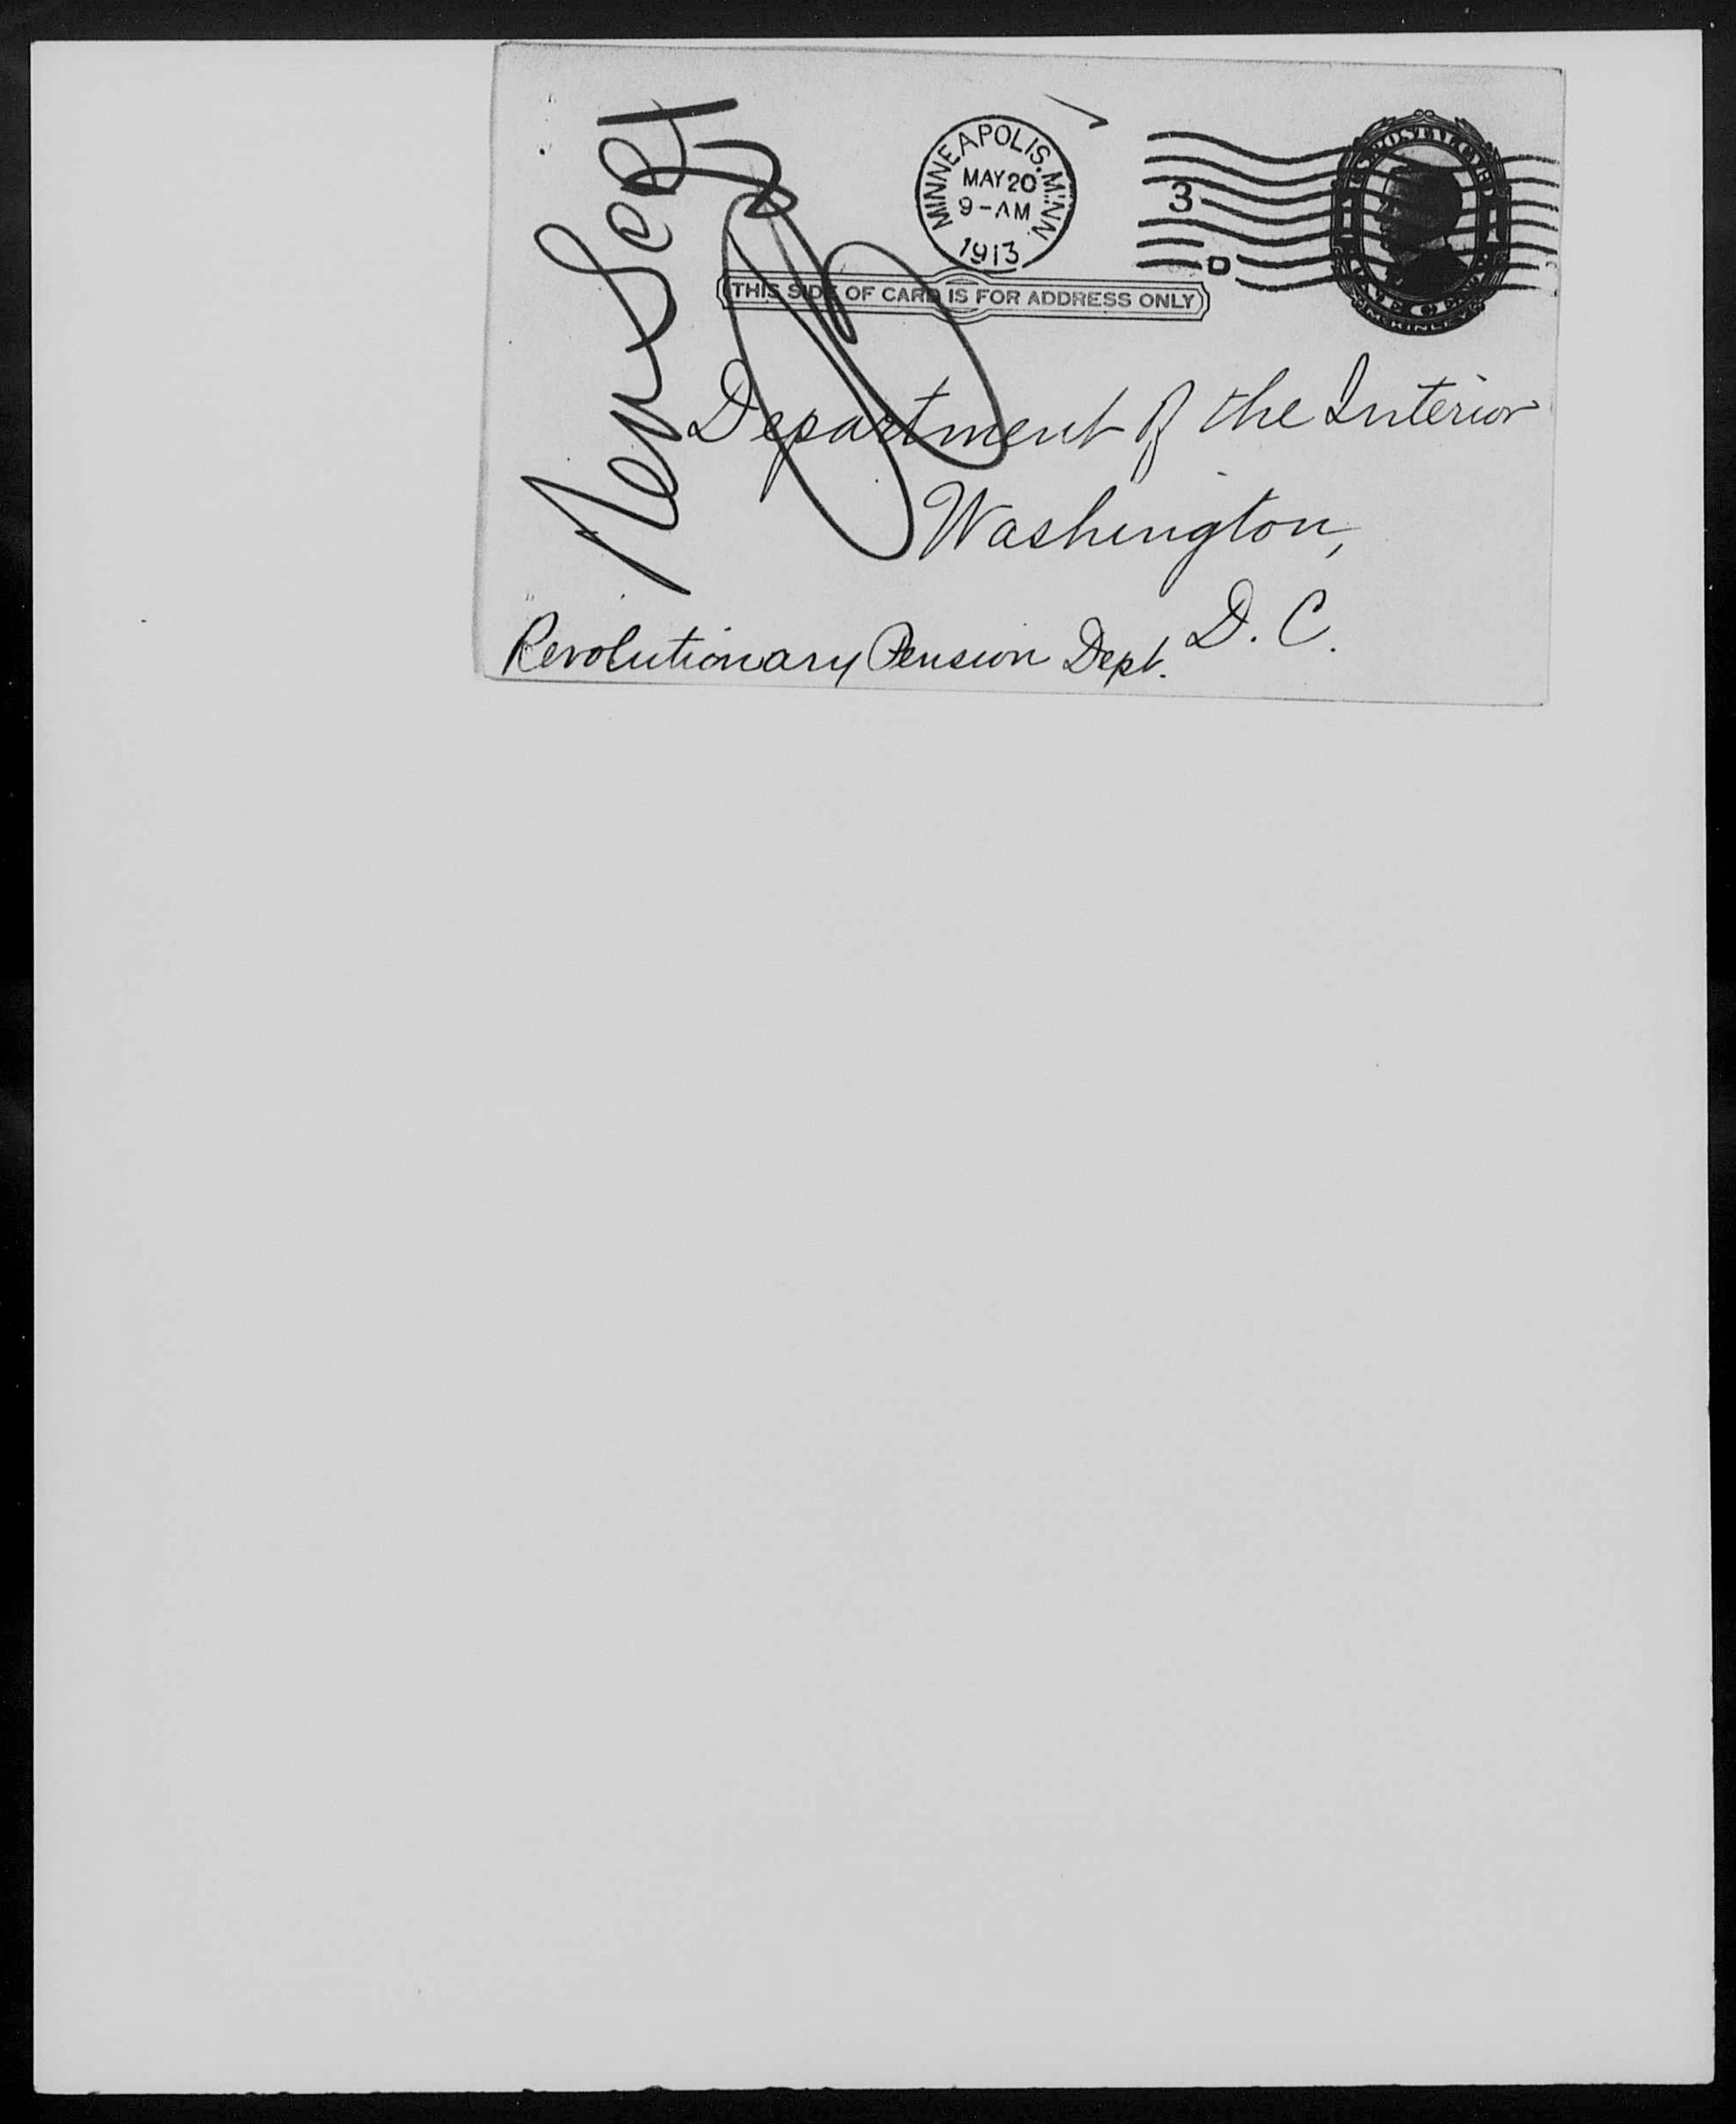Minneapolis, M.N
May 20
9-AM
1913
This side of card is for address only
Department of the Interior
Washington, D.C.
Revolutionary Pension Dept.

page: 33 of 100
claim: survivor's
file: S 19186, James Austin, Conn. New York R.I.